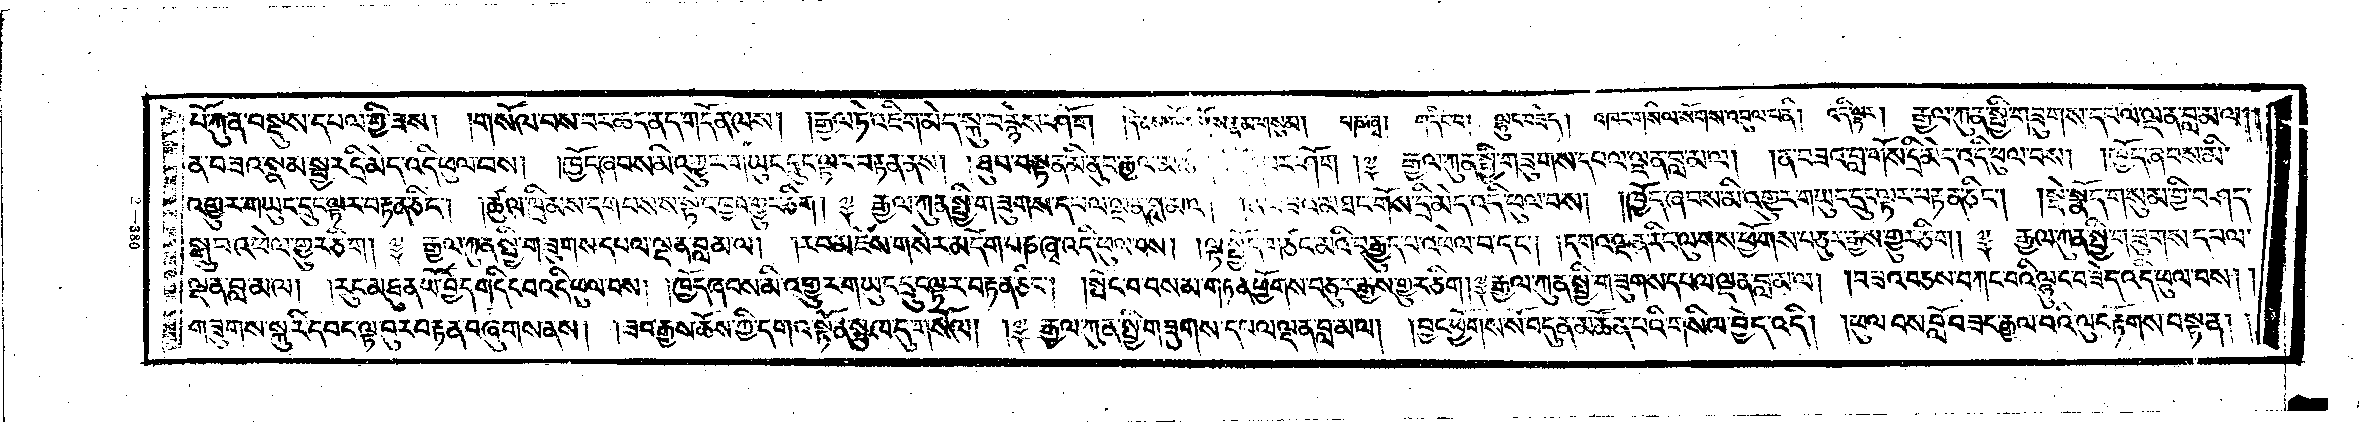པོ་ཀུན་བསྡུས་དཔལ་གྱི་ཟས། །གསོལ་བས་བར་ཆད་ནད་གདོན་ལས། །རྒྱལ་ཏེ་འཇིག་མེད་སྐུ་བརྙེས་ཤོག་།དེ་ནས་ཆོས་གོས་རྣམ་གསུམ། པཎ་ཞྭ། གདིང་བ། ལྷུང་བཟེད། འཁང་གསིལ་སོགས་འབུལ་བ་ནི། འདི་ལྟར།  རྒྱལ་ཀུན་སྤྱི་གཟུགས་དཔལ་ལྡན་བླ་མ་ལ།།
ན་བཟའ་སྣམ་སྦྱར་དྲི་མེད་འདི་ཕུལ་བས། །ཁྱོད་ཞབས་མི་འགྱུར་གཡུང་དྲུང་ལྟར་བརྟན་ནས། །ཐུབ་བསྟན་མི་ནུབ་རྒྱལ་མཚན་འཛིན་པར་ཤོག །༈ རྒྱལ་ཀུན་སྤྱི་གཟུགས་དཔལ་ལྡན་བླ་མ་ལ། །ན་བཟའ་བླ་གོས་དྲི་མེད་འདི་ཕུལ་བས། །ཁྱོད་ཞབས་མི་
འགྱུར་གཡུང་དྲུང་ལྟར་བརྟན་ཅིང་། །ཚུལ་ཁྲིམས་དག་པས་ས་སྟེང་ཁྱབ་གྱུར་ཅིག། ༈ རྒྱལ་ཀུན་སྤྱི་གཟུགས་དཔལ་ལྡན་བླ་མ་ལ། །ན་བཟའ་མཐང་གོས་དྲི་མེད་འདི་ཕུལ་བས། །ཁྱོད་ཞབས་མི་འགྱུར་གཡུང་དྲུང་ལྟར་བརྟན་ཅིང་། །སྡེ་སྣོད་གསུམ་གྱི་བཤད་
སྒྲུ་འཕེལ་གྱུར་ཅིག། ༈ རྒྱལ་ཀུན་སྤྱི་གཟུགས་དཔལ་ལྡན་བླ་མ་ལ། །རབ་མཛེས་གསེར་མདོག་པཎ་ཞྭ་འདི་ཕུལ་བས། །ལྟ་སྤྱོད་གཙང་མའི་བརྒྱུད་པ་འཕེལ་བ་དང་། །དགའ་ལྡན་རིང་ལུགས་ཕྱོགས་བཅུར་རྒྱས་གྱུར་ཅིག། ༈ རྒྱལ་ཀུན་སྤྱི་གཟུགས་དཔལ་
ལྡན་བླ་མ་ལ། །རུང་མཐུན་ཡོ་བྱད་གདིང་བ་འདི་ཕུལ་བས། །ཁྱོད་ཞབས་མི་འགྱུར་གཡུན་དྲུང་བ་ལྟར་བརྟན་ཅིང་། །སྤོང་བ་བསམ་གཏན་ཕྱོགས་བཅུར་རྒྱས་གྱུར་ཅིག །༈རྒྱལ་ཀུན་སྤྱི་གཟུགས་དཔལ་ལྡན་བླ་མ་ལ། །བཟའ་བཅས་བཀང་བའི་ལྷུང་བཟེད་འདི་ཕུལ་བས། །
གཟུགས་སྐུ་རི་དབང་ལྟ་བུར་བརྟན་བཞུགས་ནས། །ཟབ་རྒྱས་ཆོས་ཀྱི་དགའ་སྟོན་སྩལ་དུ་གསོལ། །༈ རྒྱལ་ཀུན་སྤྱི་གཟུགས་དཔལ་ལྡན་བླ་མ་ལ། །བྱང་ཕྱོགས་སོ་བདུན་མཚོན་པའི་གསིལ་བྱེད་འདི། །ཕུལ་བས་བློ་བཟང་རྒྱལ་བའི་ལུང་རྟོགས་བསྟན།